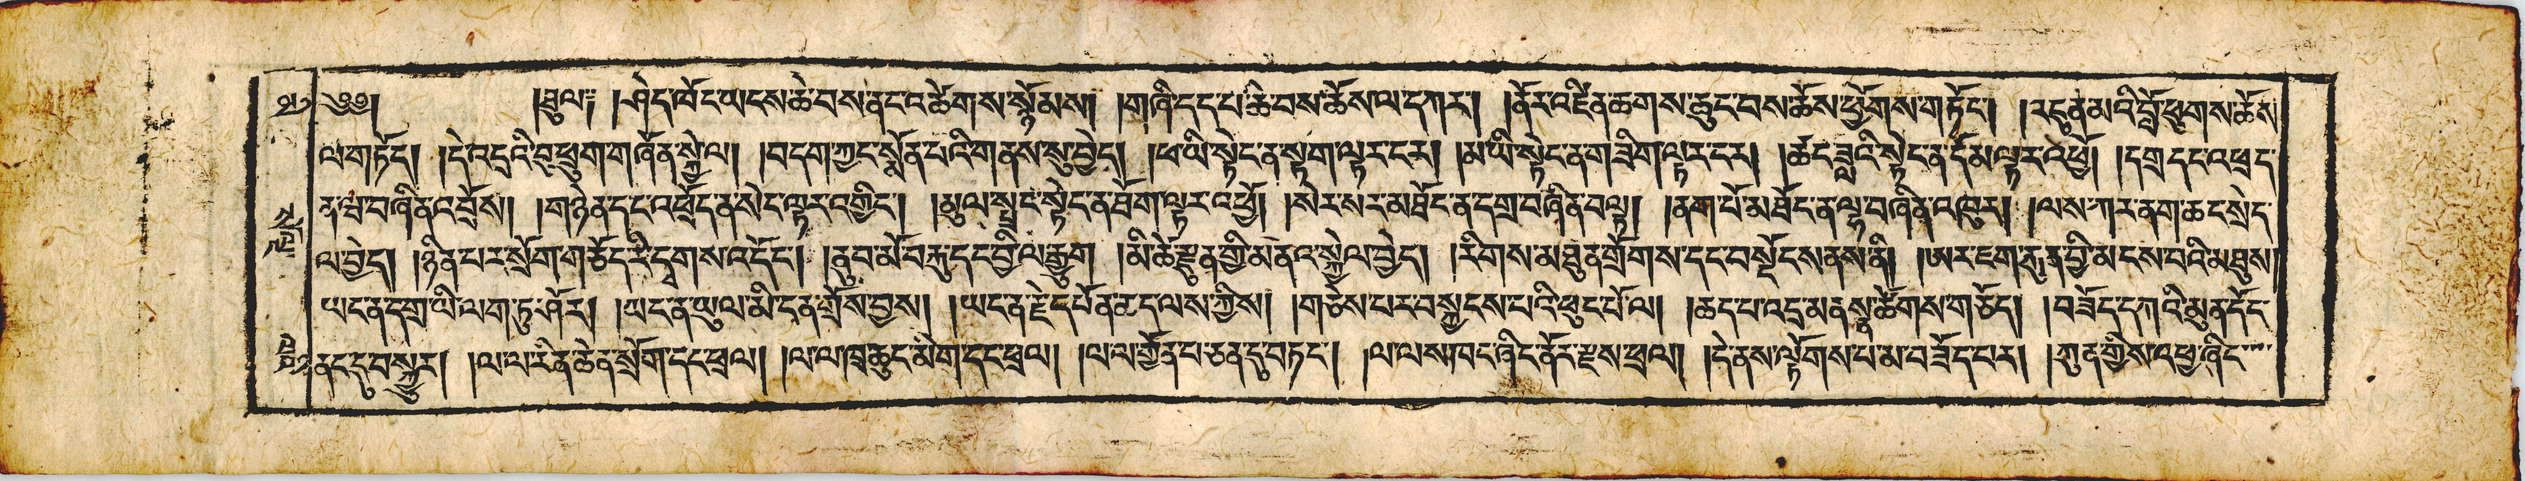ཐུལ། །ཤེད་ཁོང་ཡངས་ཆེ་བས་ནང་འཚེགས་སྙོམས། །གཞི་དད་པ་ཆེ་བས་ཆོས་ལ་དཀར། །ནོར་འཛིན་ཆགས་ཆུང་བས་ཆོས་ཕྱོགས་གཏོང་། །འདུན་མའི་བློ་ཕུགས་ཆོས་
ལགཏོད། །དེ་འདྲའི་བུ་ཕྲུག་གཞོན་སྐྱེ་ལ། །བདག་ཀྱང་སྨོན་པའི་གནས་སུ་བྱེད། །ཕ་ཡི་སྟེང་ན་སྟག་ལྟར་ངར། །མ་ཡི་སྟེང་ན་གཟིག་ལྟར་ངར། །ཚང་ཟླའི་སྟེང་ན་དོམ་ལྟར་འཕྱོ། །དགྲ་དང་འཕྲད་
ན་ཝ་བཞིན་འབྲོས། །གཉེན་དང་འཕྲོད་ན་སེང་ལྟར་འགྱིང། །མུལ་སྤྲང་སྟེང་ན་ཐོག་ལྟར་འཕྱོ། །སེར་སར་མཐོང་ན་དགྲ་བཞིན་བལྟ། །ནག་པོ་མཐོང་ན་ལྷ་བཞིན་འཁུར། །ལས་ཀར་ན་ག་ཆང་སྲེད་
ལ་བྱེད། །ཉིན་པར་སྲོག་གཅོད་རི་དྭགས་འདོང་། །ནུབ་མོ་བརྐུ་དང་བྱི་ལ་རྒྱུག །མི་ཚེ་རྫུན་གྱི་མནའ་སྐྱེལ་བྱེད། །རིགས་མཐུན་གྲོགས་དང་བསྡོངས་ནས་ནི། །ཨར་ཇག་རྒུན་བྱི་མངས་པའི་མཐུས། 
ཡང་ན་དགྲ་ཡི་ལག་ཏུ་ཤོར། །ཡང་ན་ཡུལ་མི་ངན་གྲོས་བྱས། །ཡང་ན་རྗེ་དཔོན་ཆད་ལས་ཀྱིས། །གཅེས་པར་བསྐྱངས་པའི་ཕུང་པོ་ལ། །ཆད་པ་འདྲ་མེན་སྣ་ཚོགས་གཅོད། །བཟོད་དཀའི་མུན་དོང་
ནང་དུ་བསྐྱུར། །ལ་ལ་རིན་ཆེན་སྲོག་དང་ཕྲལ། །ལ་ལ་ཁྲ་ཆུང་མིག་དང་ཕྲལ། །ལ་ལ་གྱོན་པ་ཅན་དུ་བཏང་། །ལ་ལས་ཁང་ཞིང་ནོར་རྫས་ཕྲལ། །དེ་ནས་ལྟོགས་པ་མ་བཟོད་པར། །ཀུན་གྱིས་འཕྱ་ཞིང་